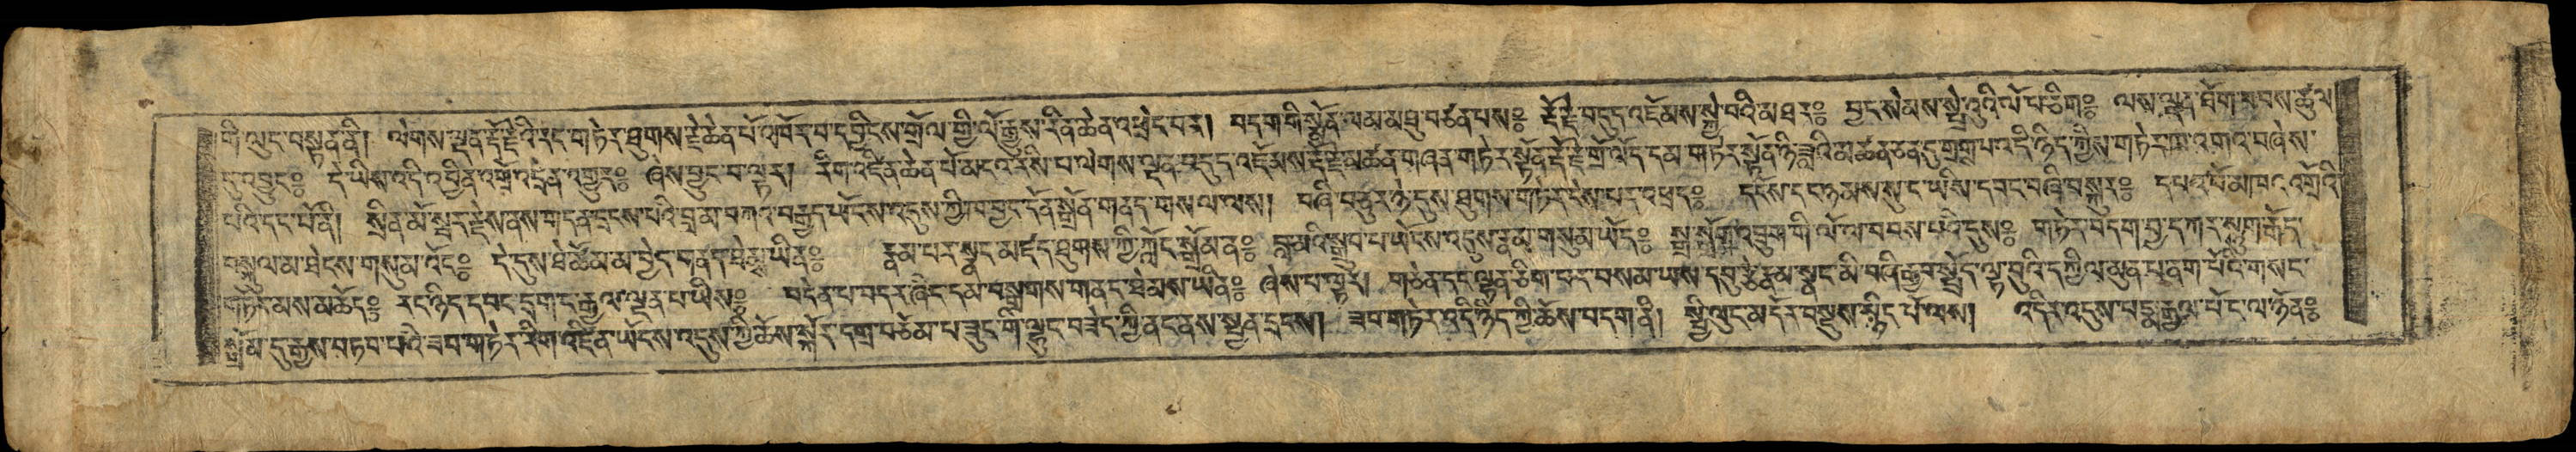གི་ལུང་བསྟན་ནི། ལེགས་ལྡན་རྡོ་རྗེའི་རང་གཏེར་ཐུགས་རྗེ་ཆེན་པོ་འཁོར་བ་དབྱིངས་གྲོལ་གྱི་ལོ་རྒྱུས་རིན་ཆེན་འཕྲེང་བར། བདག་གི་སྨོན་ལམ་མཐུ་བཙན་པསཿ་རྡོ་རྗེ་བདུད་འཇོམས་སྐྱེ་བའི་མཐརཿ་བྱང་སེམས་སྤྲེའུའི་ལོ་པ་ཅིགཿ་ལས་ལྡན་ཐོག་བབས་ཚུལ་
དུ་འབྱུངཿ་དེ་ཡིས་འདི་འབྱིན་འགྲོ་འདྲེན་འགྱུརཿ་ཞེས་བྱུང་བ་ལྟར། རིག་འཛིན་ཆེན་པོ་མངའ་རིས་པ་ལེགས་ལྡན་བདུད་འཇོམས་རྡོ་རྗེ་མཚན་གཞན་གཏེར་སྟོན་རྡོ་རྗེ་གྲོ་ལོད་དམ་གཏེར་སྟོན་ཉི་ཟླའི་མཚན་ཅན་དུ་གྲགས་པ་འདི་ཉིད་ཀྱིས་གཏེར་ཁ་འགའ་བཞེས་
པའི་དང་པོ་ནི། སྲིན་མོ་སྦར་རྗེས་ནས་གདན་དྲངས་པའི་བླ་མ་བཀའ་བརྒྱད་ཡོངས་འདུས་ཀྱི་ཁ་བྱང་དོན་སྒྲོན་གནད་གསལ་ལས། བཞི་བཅུར་ཉེ་དུས་ཐུགས་གཏེར་ངེས་པར་འཕྲདཿ་དངོས་དང་ཉམས་སུ་ང་ཡིས་དབང་བཞི་བསྐུརཿ་དཔའ་པོ་མཁའ་འགྲོའི་
བསྐུལ་མ་ཐེངས་གསུམ་འོངཿ་དེ་དུས་ཐེ་ཚོམ་མ་བྱེད་གནད་ཐེམས་ཡིནཿ་རྣམ་པར་སྣང་མཛད་ཐུགས་ཀྱི་ཀློང་སྒྲོམ་ནཿ་བླ་མའི་སྒྲུབ་པ་ཡོངས་འདུས་རྣམ་གསུམ་ཡོདཿ་སྒྲ་སྒྲོག་འབྲུག་གི་ལོ་ལ་བབས་པའི་དུསཿ་གཏེར་བདག་བྱ་དཀར་སྙུག་རྒོད་
གཏོར་མས་མཆོདཿ་རང་ཉིད་དབང་དྲག་ང་རྒྱལ་ལྡན་པ་ཡིསཿ་བདེན་པ་བདར་ཞིང་དམ་བསྒྲགས་གནད་ཐེམས་ཡིནཿ་ཞེས་པ་ལྟར། གཅེན་དང་ལྷན་ཅིག་པར་བསམ་ཡས་དབུ་རྩེ་རྣམ་སྣང་མི་བཞི་རྒྱབ་སྤྲོད་ལྟ་བུའི་དཀྱིལ་མུན་པ་ནག་པོའི་གསང་
སྒྲོམ་དུ་རྒྱས་བཏབ་པའི་ཟབ་གཏེར་རིག་འཛིན་ཡོངས་འདུས་ཀྱི་ཆོས་སྐོར་དགྲ་བཅོམ་པ་ཟུང་གི་ལྷུང་བཟེད་ཀྱི་ནང་ནས་སྤྱན་དྲངས། ཟབ་གཏེར་འདི་ཉིད་ཀྱི་ཆོས་བདག་ནི། སྤྱི་ལུང་མདོར་བསྡུས་སྙིང་པོ་ལས། འདིར་འདུས་པདམ་རྒྱལ་པོ་ང་ལ་ཉོནཿ